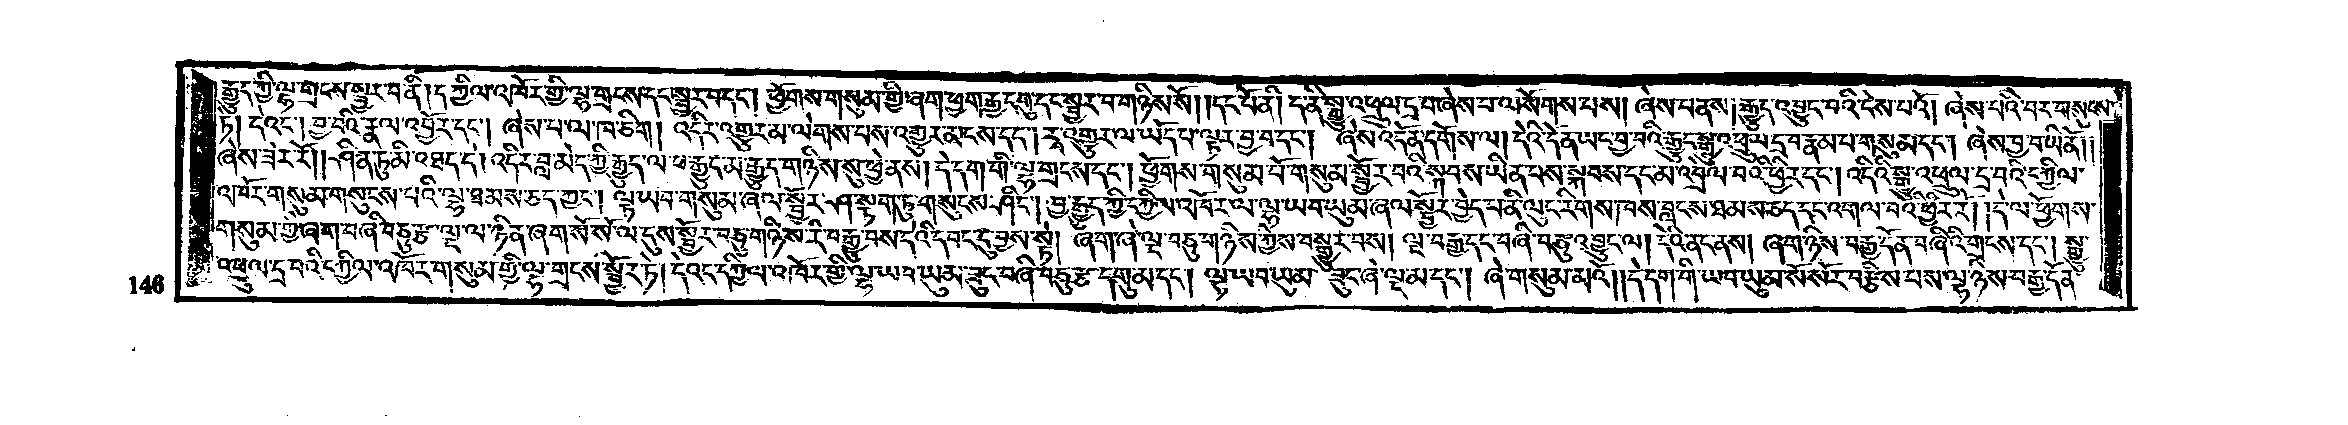རྒྱུད་ཀྱི་ལྷ་གྲངས་སྦྱར་བ་ནི། དཀྱིལ་འཁོར་གྱི་ལྷ་གྲངས་དང་སྦྱར་བ་དང་། ཕྱོགས་གསུམ་གྱི་ཞག་ཕྱག་རྒྱ་དགུ་དང་སྦྱར་བ་གཉིས་སོ། །དང་པོ་ནི། ད་ནི་སྒྱུ་འཕྲུལ་དྲ་བ་ཞེས་པ་ལ་སོགས་པས། ཞེས་པ་ནས། རྒྱུད་འབྱུང་བའི་ངེས་པའོ། ཞེས་པའི་བར་གསུངས་
ཏེ། དེའང་། བྱ་བའི་རྣལ་འབྱོར་དང་། ཞེས་པ་ལ་ཁ་ཅིག །འདིར་འགྱུར་མ་ལེགས་པས་འགྱུར་མངས་དང་། རྭ་འགྱུར་ལ་ཡོད་པ་ལྟར་བྱ་བ་དང་། ཞེས་འདོན་དགོས་ལ། དེའི་དོན་ཡང་བྱ་བའི་རྒྱུད་སྒྱུ་འཕྲུལ་དྲ་བ་རྣམ་པ་གསུམ་དང་། ཞེས་བྱ་བ་ཡིན་ནོ། །
ཞེས་ཟེར་རོ། །ཤིན་ཏུ་མི་འཐད་དེ། འདིར་བླ་མེད་ཀྱི་རྒྱུད་ལ་ཕ་རྒྱུད་མ་རྒྱུད་གཉིས་སུ་ཕྱེ་ནས། དེ་དག་གི་ལྷ་གྲངས་དང་། ཕྱོགས་གསུམ་པོ་གསུམ་སྦྱོར་བའི་སྐབས་ཡིན་པས་སྐབས་དང་མ་འབྲེལ་བའི་ཕྱིར་དང་། འདིའི་སྒྱུ་འཕྲུལ་དྲ་བའི་དཀྱིལ་
འཁོར་གསུམ་གསུངས་པའི་ལྷ་ཐམས་ཅད་ཀྱང་། ལྟ་ཡབ་གསུམ་ཞལ་སྦྱོར་ཤ་སྟག་ཏུ་གསུངས་ཤིང་། བྱ་རྒྱུད་ཀྱི་དཀྱིལ་འཁོར་ལ་ལྷ་ཡབ་ཡུམ་ཞལ་སྦྱོར་བྱེད་པ་ནི་ལུང་རིགས་ཁས་བླངས་ཐམས་ཅད་དང་འགལ་བའི་ཕྱིར་རོ། །དེ་ལ་ཕྱོགས་
གསུམ་གྱི་ཞག་བཞི་བཅུ་རྩ་ལྔ་ལ་ཉིན་ཞག་སོ་སོ་ལ་དུས་སྦྱོར་བཅུ་གཉིས་རི་བརྒྱུ་བས་དེའི་དབང་དུ་བྱས་སྟེ། ཞག་ཞེ་ལྔ་བཅུ་གཉིས་ཀྱིས་བསྒྱུར་བས། ལྔ་བརྒྱ་དང་བཞི་བཅུ་འབྱུང་ལ། དེའི་ནང་ནས། ཞག་ཉིས་བརྒྱ་དོན་བཞིའི་གྲངས་དང་། སྒྱུ་
འཕྲུལ་དྲ་བའི་དཀྱིལ་འཁོར་གསུམ་གྱི་ལྷ་གྲངས་སྦྱོར་ཏེ། དེའང་དཀྱིལ་འཁོར་གྱི་ལྷ་ཡབ་ཡུམ་ཟུང་བཞི་བཅུ་རྩ་དགུ་མ་དང་། ལྷ་ཡབ་ཡུམ་ཟུང་ཞེ་ལྔ་མ་དང་། ཞེ་གསུམ་མའོ། །དེ་དག་གི་ཡབ་ཡུམ་སོ་སོར་བརྩིས་པས་ལྷ་ཉིས་བརྒྱ་དོན་